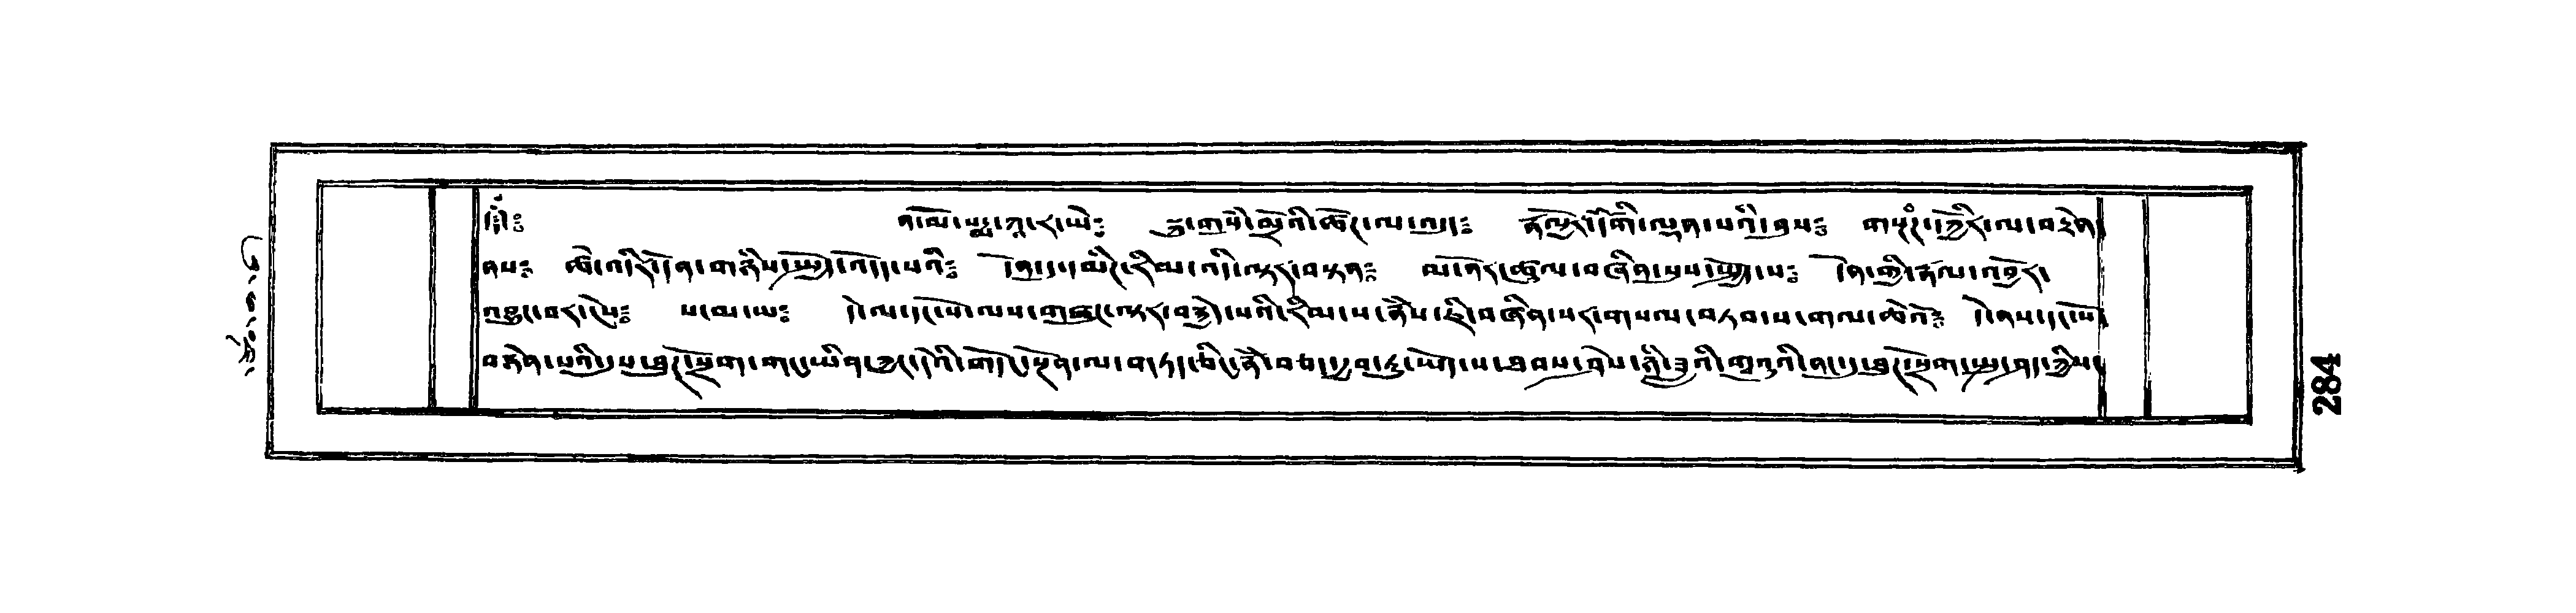ན་མོ་པདྨ་ཀཱ་ར་ཡེ༔ སྐུ་གསུམ་མཁའ་འགྲོའི་ཚོགས་ལ་འདུད༔ རྣལ་འབྱོར་དམ་ཚིག་ལྡན་པའི་དབུས༔ གསང་སྔགས་དཀྱིལ་འཁོར་ལ་བརྟེན་
ནས༔ ཚེ་འདིར་དོན་གཉིས་སྤྱོད་འདོད་པའི༔ དོན་དུ་དམིགས་རིམ་འདི་ལྟར་བསྟན༔ མ་ནོར་ཚུལ་བཞིན་སུས་སྤྱོད་པ༔ དོན་གྱི་རྣལ་འབྱོར་
འབྱུང་བར་ངེས༔ ས་མ་ཡ༔ དེ་ལ་དང་པོ་ལས་གཞུང་ལྟར་བསྐྱེད་པའི་རིམ་པ་རྣམས་ཇི་བཞིན་པར་གསལ་བཏབ་པ་གལ་ཆེའོ༔ དེ་ནས་དང་པོ་
བསྙེན་པའི་ཐུགས་སྲོག་གང་ཡིན་ཀྱང་དེའི་གདོང་སྔོན་ལ་གཏད་ཅིང་རྣམ་བཅད་རྒྱབ་ཏུ་ཡོད་པ་ཐབས་ཤེས་ཉི་ཟླའི་གྭའུའི་ནང་དུ་ཐུགས་སྲོག་སྤུ་ཤད་ཀྱིས་